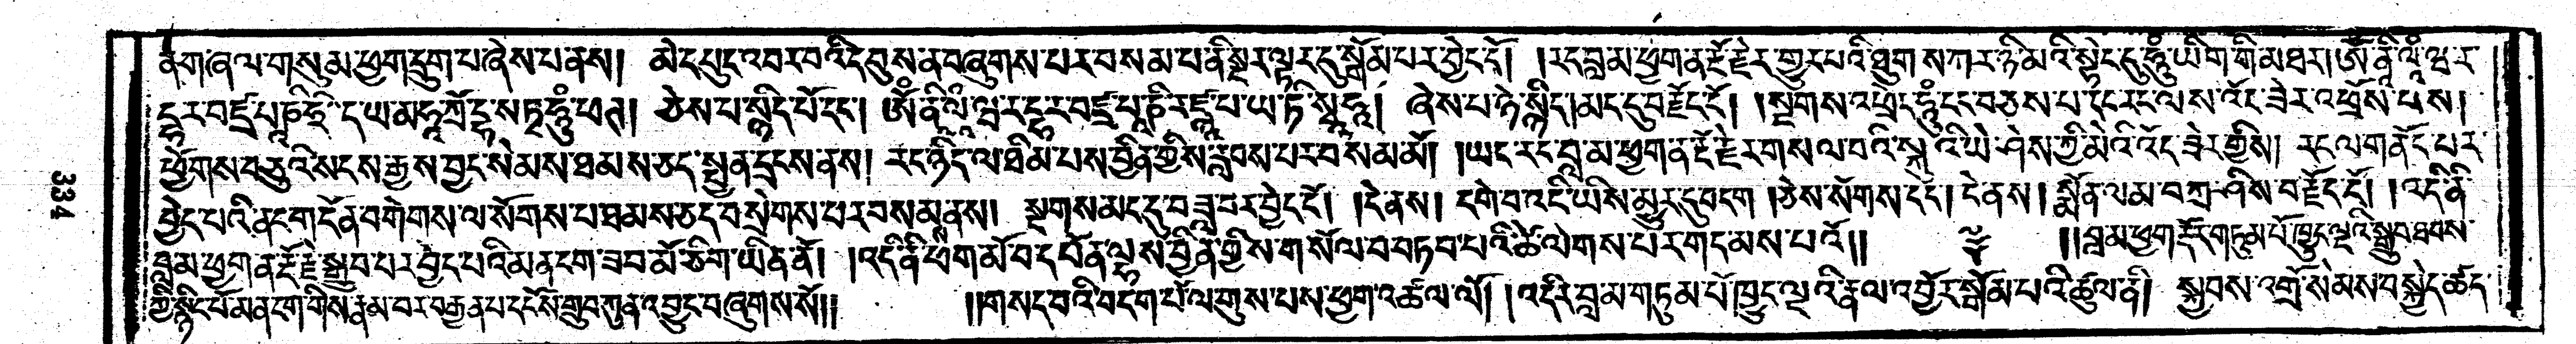ནག་ཞལ་གསུམ་ཕྱག་དྲུག་པ་ཞེས་པ་ནས། མེ་དཔུང་འབར་བའི་དབུས་ན་བཞུགས་པར་བསམ་པ་ནི་སྔར་ལྟར་དུ་སྒོམ་པར་བྱེད་དོ། །རང་བླ་མ་ཕྱག་ན་རྡོ་རྗེར་གྱུར་པའི་ཐུགས་ཀར་ཉི་མའི་སྟེང་དུ་ཧཱུཾ་ཡིག་གི་མཐར། ཨོཾ་ནཱི་ལཱཾ་ཝ་ར་
དྷ་ར་བཛྲ་པཱ་ཎི་ཧྲི་ད་ཡ་མཧཱ་ཀྲོ་དྷ་སཏྭ་ཧཱུཾ་ཕཊ། ཅེས་པ་སྙིང་པོ་དང་། ཨོཾ་ནཱི་ལཱཾ་ཝ་ར་དྷ་ར་བཛྲ་པཱ་ཎི་རཛྙཱ་པ་ཡ་ཏི་སྭཱ་ཧཱ། ཞེས་པ་ཉེ་སྙིང་། མང་དུ་བརྗོད་དོ། །སྔགས་འཕྲེད་ཧཱུཾ་དང་བཅས་པ་དང་རང་ལས་འོད་ཟེར་འཕྲོས་པས།
ཕྱོགས་བཅུའི་སངས་རྒྱས་བྱང་སེམས་ཐམས་ཅད་སྤྱན་དྲངས་ནས། རང་ཉིད་ལ་ཐིམ་པས་བྱིན་གྱིས་རླབས་པར་བསམ་མོ། །ཡང་རང་བླ་མ་ཕྱག་ན་རྡོ་རྗེར་གསལ་བའི་སྐུའི་ཡེ་ཤེས་ཀྱི་མེའི་འོད་ཟེར་གྱིས། རང་ལ་གནོད་པར་
བྱེད་པའི་ནང་གདོན་བགེགས་ལ་སོགས་པ་ཐམས་ཅད་བསྲེགས་པར་བསམས་ནས། སྔགས་མང་དུ་བཟླ་བར་བྱེད་དོ། །དེ་ནས། དགེ་བ་འདི་ཡིས་མྱུར་དུ་བདག །ཅེས་སོགས་དང་། དེ་ནས། སྨོན་ལམ་བཀྲ་ཤིས་བརྗོད་དོ། །འདི་ནི་
བླ་མ་ཕྱག་ན་རྡོ་རྗེ་སྒྲུབ་པར་བྱེད་པའི་མན་ངག་ཟབ་མོ་ཅིག་ཡིན་ནོ། །འདི་ནི་ཕག་མོ་བ་དཔོན་ལྷས་བྱིན་གྱིས་གསོལ་བ་བཏབ་པའི་ཚེ་ལེགས་པར་གདམས་པའོ།། ༈ །།བླ་མ་ཕྱག་རྡོར་གཏུམ་པོ་ཁྱུང་ལྔའི་སྒྲུབ་ཐབས་
ཀྱི་སྙིང་པོ་མན་ངག་གིས་རྣམ་བར་བརྒྱན་པ་དངོས་གྲུབ་ཀུན་འབྱུང་བཞུགས་སོ།། །།གསང་བའི་བདག་པོ་ལ་གུས་པས་ཕྱག་འཚལ་ལོ། །འདིར་བླ་མ་གཏུམ་པོ་ཁྱུང་ལྔའི་རྣལ་འབྱོར་སྒོམ་པའི་ཚུལ་ནི། སྐྱབས་འགྲོ་སེམས་བསྐྱེད་ཚད་